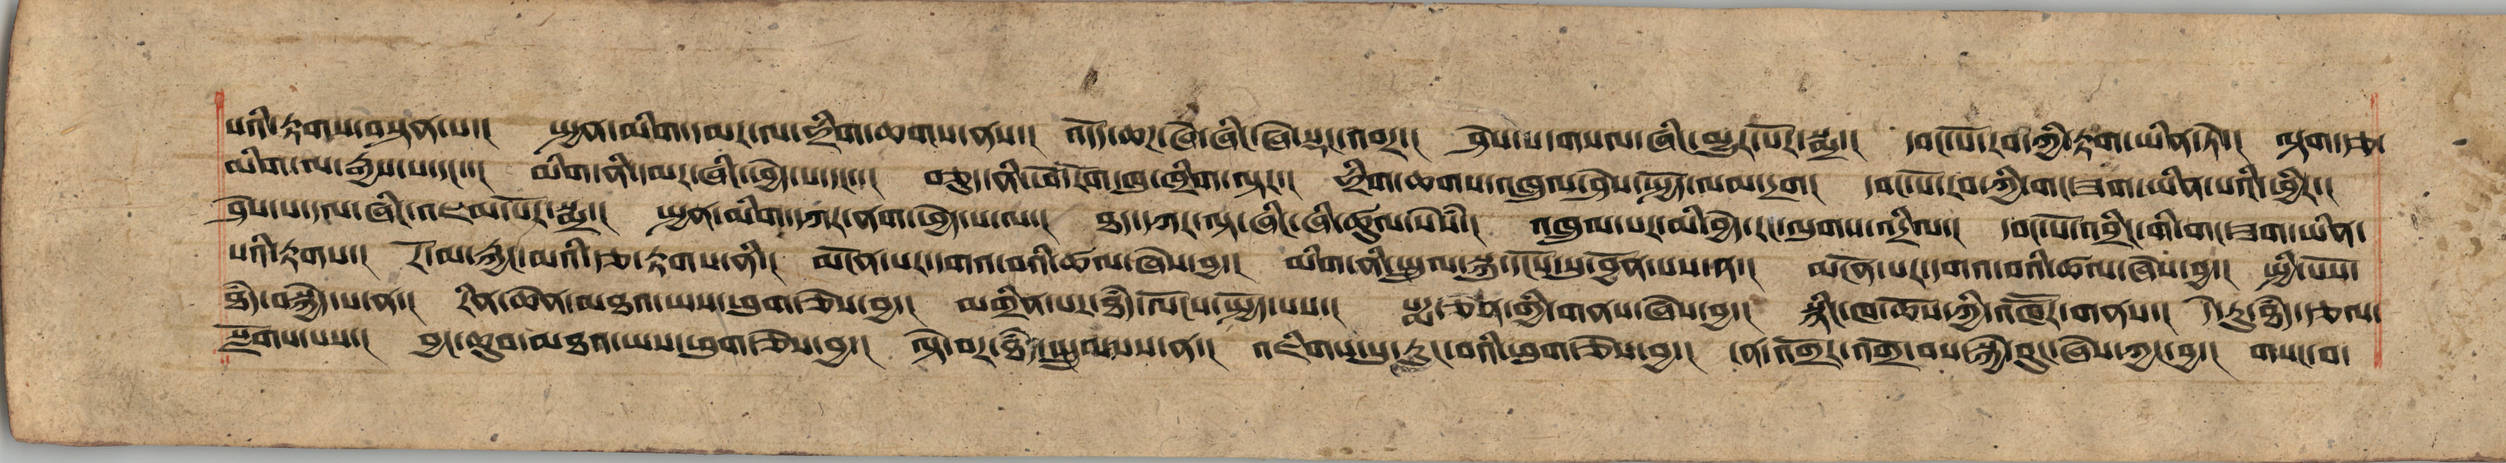པའི་རྟགས་བསྟན་པ་། སྤྱན་མིག་དམར་ལ་ཧྲིག་ཆགས་ནས་། འདོད་ཆཌ་ཞེ་ཞིང་ཞེ་སྡང་འབར་། ཤེས་པ་གསལ་ཞིང་མྱུར་པོར་སྨྲ་། དབང་པོ་རབ་ཀྱི་རྟག་ཡིན་ཏེ་། ལྟག་རྩ་
མིག་ལ་རྒྱས་པ་དང་་། མིག་ནི་དམར་ཞིང་ཕྱེད་པ་དང་་། བཅུད་ནི་ཕོ་རོག་ཁུ་ཁྲིག་ལྟར་། ཧྲིག་ཆགས་འཁྲུལ་ཤེས་སྤྱོད་ལམ་དྲག། དབང་པོ་རབ་ཀྱི་གང་ཟག་ཡིན་པའི་ཕྱིར་།
ཤེས་པ་དལ་ཞིང་འཇམ་པོར་སྨྲ་། སྤྱན་མིག་དཀར་ནག་ཕྱེད་པ་ལ་། ཐད་དཀར་ལྟ་ཞིང་ཞི་ཚུལ་སེཾས་། འཁྲུལ་པར་མི་བྱེད་རང་ལུགས་འདྲིལ་། དབང་པོ་འབྲིང་གི་གང་ཟག་ཡིན་
པའི་རྟགས་། རོ་མ་རྐྱང་མའི་རྩ་རྟགས་ནི་། མངོན་པར་དགའ་བའི་ཚལ་ཞེས་བྱ་། མིག་ནི་སྤྲུལ་སྐུ་དངོས་སུ་བྱོན་པས་ན་། མངོན་པར་དགའ་བའི་ཚལ་ཞེས་བྱ་། སྤྱི་པོས་
ཐདཾ་བསྐྱེད་པ་ན་། རིན་ཆེན་མཐའ་ཡས་ཕུག་ཅེས་བྱ་། མགྲིན་པར་ཐདཾ་ལོངས་སྤྱོད་པས་། པདྨ་ཅན་གྱི་གནས་ཞེས་བྱ་། སྙིང་ཁ་ཆོས་ཀྱི་འཁཽར་གནས་། དེ་རུ་ཐདཾ་རྩལ་
སྫོགས་པས་། བྱང་ཆུབ་མཐའ་ཡས་ཕུག་ཅེས་བྱ་། ལྟེ་བར་ཐཾད་སྤྲུལ་པས་ན་། འཇིགས་སུ་རུང་བའི་ཕུག་ཅེས་བྱ་། ངན་འགྲོར་འགྲོ་བས་སྐྱེ་བུང་ཞེས་ཀྱང་བྱ་། གསང་བ་